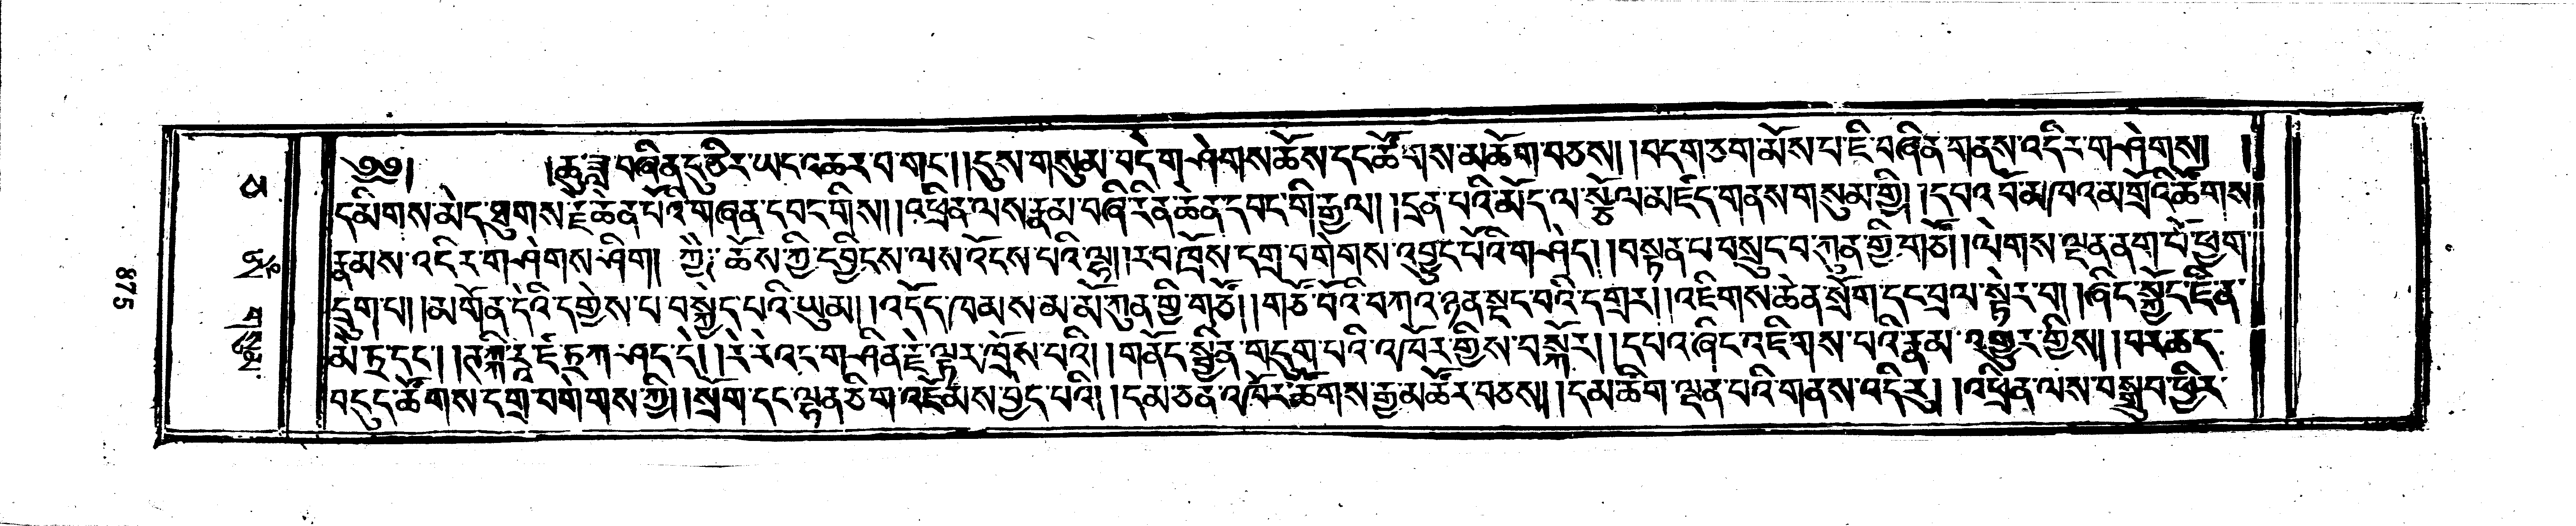༄༅། །ཆུ་ཟླ་བཞིན་དུ་ཅིར་ཡང་འཆར་བ་གང་། །དུས་གསུམ་བདེ་གཤེགས་ཆོས་དང་ཚོགས་མཆོག་བཅས། །བདག་ཅག་མོས་པ་ཇི་བཞིན་གནས་འདིར་གཤེགས། །
དམིགས་མེད་ཐུགས་རྗེ་ཆེན་པོའི་གཞན་དབང་གིས། །འཕྲིན་ལས་རྣམ་བཞི་རིན་ཆེན་དབང་གི་རྒྱལ། །དྲན་པའི་མོད་ལ་སྩོལ་མཛད་གནས་གསུམ་གྱི། །དཔའ་བོ་མཁའ་འགྲོའི་ཚོགས་
རྣམས་འདིར་གཤེགས་ཤིག །ཀྱཻ༑ ཆོས་ཀྱི་དབྱིངས་ལས་འོངས་པའི་ལྷ། །རབ་ཁྲོས་དགྲ་བགེགས་འབྱུང་པོའི་གཤེད། །བསྟན་པ་བསྲུང་བ་ཀུན་གྱི་གཙོ། །ལེགས་ལྡན་ནག་པོ་ཕྱག་
དྲུག་པ། །མགོན་དེའི་དགྱེས་པ་བསྐྱེད་པའི་ཡུམ། །འདོད་ཁམས་མ་མོ་ཀུན་གྱི་གཙོ། །གཙོ་བོའི་བཀའ་ཉན་སྡང་བའི་དགྲར། །འཇིགས་ཆེན་སྲོག་དང་བྲལ་སྟེར་བ། །ཞིང་སྐྱོང་ཛི་ན་
མེ་ཏྲ་དང་། །ཊཀྐི་རཱ་ཛ་ཏྲཀ་ཤད་དེ། །རེ་རེའང་གཤིན་རྗེ་ལྟར་ཁྲོས་པའི། །གནོད་སྦྱིན་གདུག་པའི་འཁོར་གྱིས་བསྐོར། །དཔའ་ཞིང་འཇིགས་པའི་རྣམ་འགྱུར་གྱིས། །བར་ཆད་
བདུད་ཚོགས་དགྲ་བགེགས་ཀྱི། །སྲོག་དང་ལྷན་ཅིག་འཇོམས་བྱེད་པའི། །དམ་ཅན་འཁོར་ཚོགས་རྒྱ་མཚོར་བཅས། །དམ་ཚིག་ལྡན་པའི་གནས་འདི་རུ། །འཕྲིན་ལས་བསྒྲུབ་ཕྱིར་